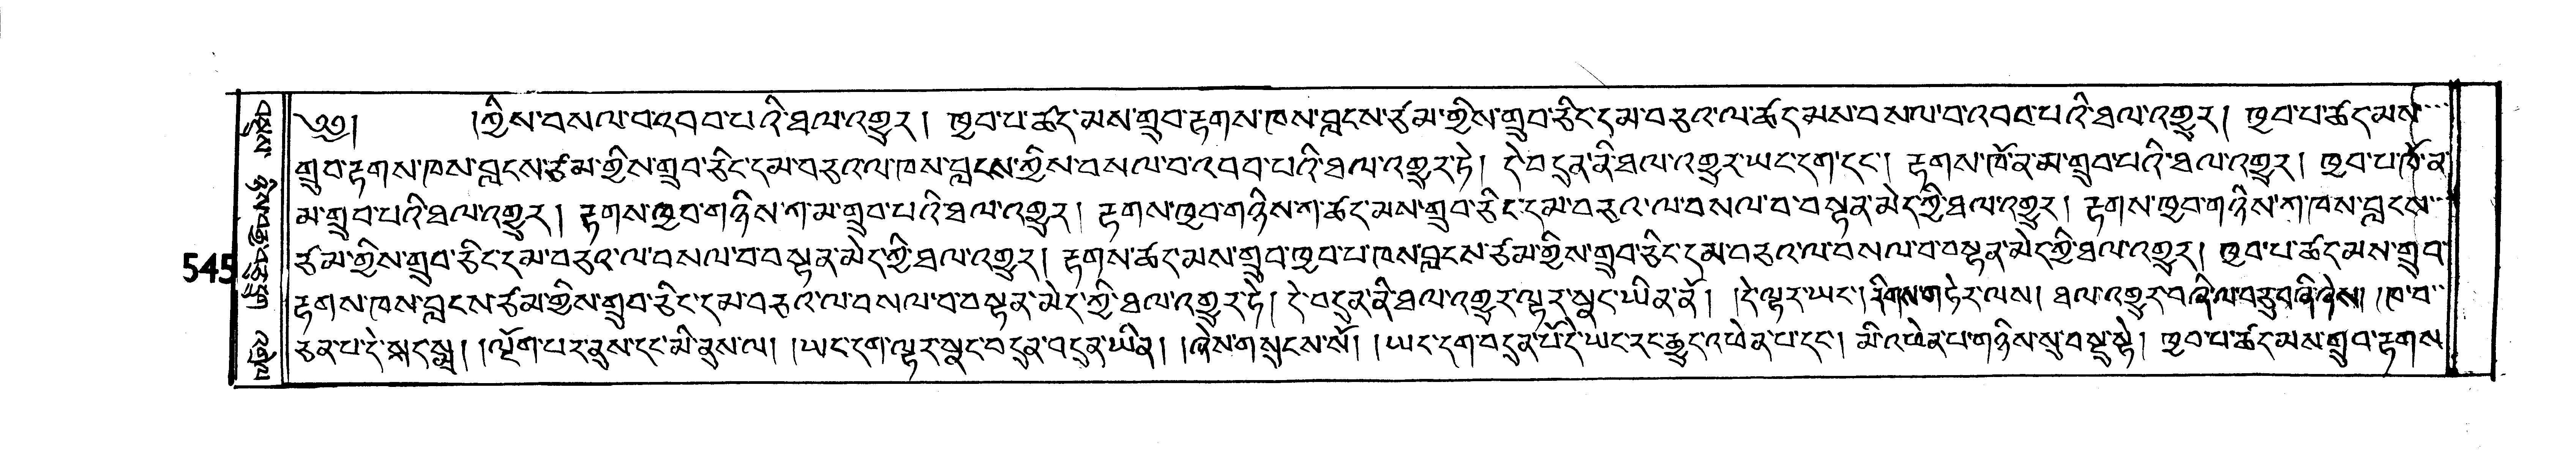༄༅། །ཀྱིས་བསལ་བ་འབབ་པའི་ཐལ་འགྱུར། ཁྱབ་པ་ཚད་མས་གྲུབ་རྟགས་ཁས་བླངས་ཙམ་གྱིས་གྲུབ་ཅིང་དམ་བཅའ་ལ་ཚད་མས་བསལ་བ་འབབ་པའི་ཐལ་འགྱུར། ཁྱབ་པ་ཚད་མས་
གྲུབ་རྟགས་ཁས་བླངས་ཙམ་གྱིས་གྲུབ་ཅིང་དམ་བཅའ་ལ་ཁས་བླངས་ཀྱིས་བསལ་བ་འབབ་པའི་ཐལ་འགྱུར་ཏེ། དེ་བདུན་ནི་ཐལ་འགྱུར་ཡང་དག་དང་། རྟགས་ཁོ་ན་མ་གྲུབ་པའི་ཐལ་འགྱུར། ཁྱབ་པ་ཁོ་ན་
མ་གྲུབ་པའི་ཐལ་འགྱུར། རྟགས་ཁྱབ་གཉིས་ཀ་མ་གྲུབ་པའི་ཐལ་འགྱུར། རྟགས་ཁྱབ་གཉིས་ཀ་ཚད་མས་གྲུབ་ཅིང་དམ་བཅའ་ལ་བསལ་བ་བསྟན་མེད་ཀྱི་ཐལ་འགྱུར། རྟགས་ཁྱབ་གཉིས་ཀ་ཁས་བླངས་
ཙམ་གྱིས་གྲུབ་ཅིང་དམ་བཅའ་ལ་བསལ་བ་བསྟན་མེད་ཀྱི་ཐལ་འགྱུར། རྟགས་ཚད་མས་གྲུབ་ཁྱབ་པ་ཁས་བླངས་ཙམ་གྱིས་གྲུབ་ཅིང་དམ་བཅའ་ལ་བསལ་བ་བསྟན་མེད་ཀྱི་ཐལ་འགྱུར། ཁྱབ་པ་ཚད་མས་གྲུབ་
རྟགས་ཁས་བླངས་ཙམ་གྱིས་གྲུབ་ཅིང་དམ་བཅའ་ལ་བསལ་བ་བསྟན་མེད་ཀྱི་ཐལ་འགྱུར་ཏེ། དེ་བདུན་ནི་ཐལ་འགྱུར་ལྟར་སྣང་ཡིན་ནོ། །དེ་ལྟར་ཡང་། རིགས་གཏེར་ལས། ཐལ་འགྱུར་བཞི་ལ་བཅུ་བཞི་ཞེས། །ཁ་བ་
ཅན་པ་དེ་སྐད་སྨྲ། །ལྡོག་པར་ནུས་དང་མི་ནུས་ལ། །ཡང་དག་ལྟར་སྣང་བདུན་བདུན་ཡིན། །ཞེས་གསུངས་སོ། །ཡང་དག་བདུན་པོ་དེ་ཡང་རང་རྒྱུད་འཕེན་པ་དང་། མི་འཕེན་པ་གཉིས་སུ་བསྡུ་སྟེ། ཁྱབ་པ་ཚད་མས་གྲུབ་རྟགས་